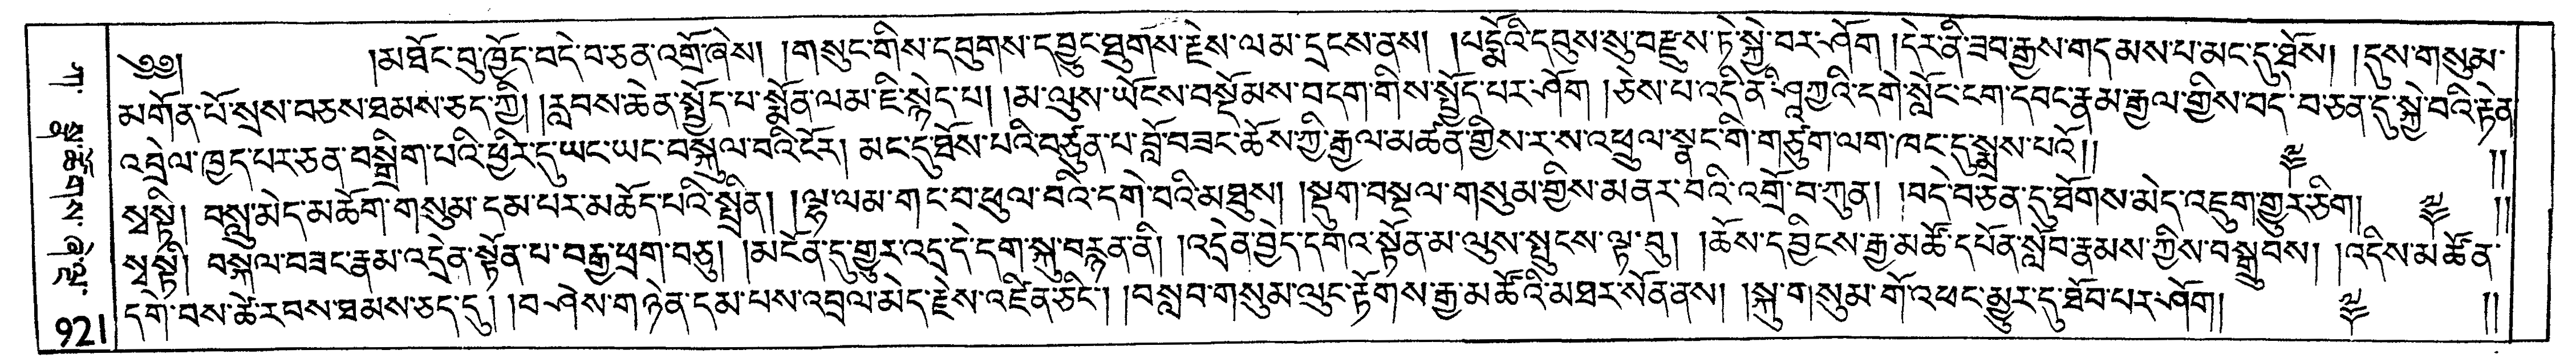༄༅། །མཐོང་བུ་ཁྱོད་བདེ་བ་ཅན་འགྲོ་ཞེས། །གསུང་གིས་དབུགས་དབྱུང་ཐུགས་རྗེས་ལམ་དྲངས་ནས། །པདམོའི་དབུས་སུ་བརྫུས་ཏེ་སྐྱེ་བར་ཤོག །དེར་ནི་ཟབ་རྒྱས་གདམས་པ་མང་དུ་ཐོས། །དུས་གསུམ་
མགོན་པོ་སྲས་བཅས་ཐམས་ཅད་ཀྱི། །རླབས་ཆེན་སྤྱོད་པ་སྨོན་ལམ་ཇི་སྙེད་པ། །མ་ལུས་ཡོངས་བསྡོམས་བདག་གིས་སྤྱོད་པར་ཤོག །ཅེས་པ་འདི་ནི་ཤཱཀྱའི་དགེ་སློང་ངག་དབང་རྣམ་རྒྱལ་གྱིས་བདེ་བ་ཅན་དུ་སྐྱེ་བའི་རྟེན་
འབྲེལ་ཁྱད་པར་ཅན་བསྒྲིག་པའི་ཕྱིར་དུ་ཡང་ཡང་བསྐུལ་བའི་ངོར། མང་དུ་ཐོས་པའི་བཙུན་པ་བློ་བཟང་ཆོས་ཀྱི་རྒྱལ་མཚན་གྱིས་ར་ས་འཕྲུལ་སྣང་གི་གཙུག་ལག་ཁང་དུ་སྨྲས་པའོ།། ༈ །།
སྭ་སྟི། བསླུ་མེད་མཆོག་གསུམ་དམ་པར་མཆོད་པའི་སྤྲིན། །ལྷ་ལམ་གང་བ་ཕུལ་བའི་དགེ་བའི་མཐུས། །སྡུག་བསྔལ་གསུམ་གྱིས་མནར་བའི་འགྲོ་བ་ཀུན། །བདེ་བ་ཅན་དུ་ཐོགས་མེད་འཇུག་གྱུར་ཅིག ། ༈ །།
སྭསྟི། བསྐལ་བཟང་རྣམ་འདྲེན་སྟོན་པ་བརྒྱ་ཕྲག་བཅུ། །མངོན་དུ་གྱུར་འདྲ་དེ་དག་སྐུ་བརྙན་ནི། །འདྲེན་བྱེད་དགའ་སྟོན་མ་ལུས་སྤུངས་ལྟ་བུ། །ཆོས་དབྱིངས་རྒྱ་མཚོ་དཔོན་སློབ་རྣམས་ཀྱིས་བསྒྲུབས། །འདིས་མཚོན་
དགེ་བས་ཚེ་རབས་ཐམས་ཅད་དུ། །བཤེས་གཉེན་དམ་པས་འབྲལ་མེད་རྗེས་འཛིན་ཅིང་། །བསླབ་གསུམ་ལུང་རྟོགས་རྒྱ་མཚོའི་མཐར་སོན་ནས། །སྐུ་གསུམ་གོ་འཕང་མྱུར་དུ་ཐོབ་པར་ཤོག ། ༈ །།